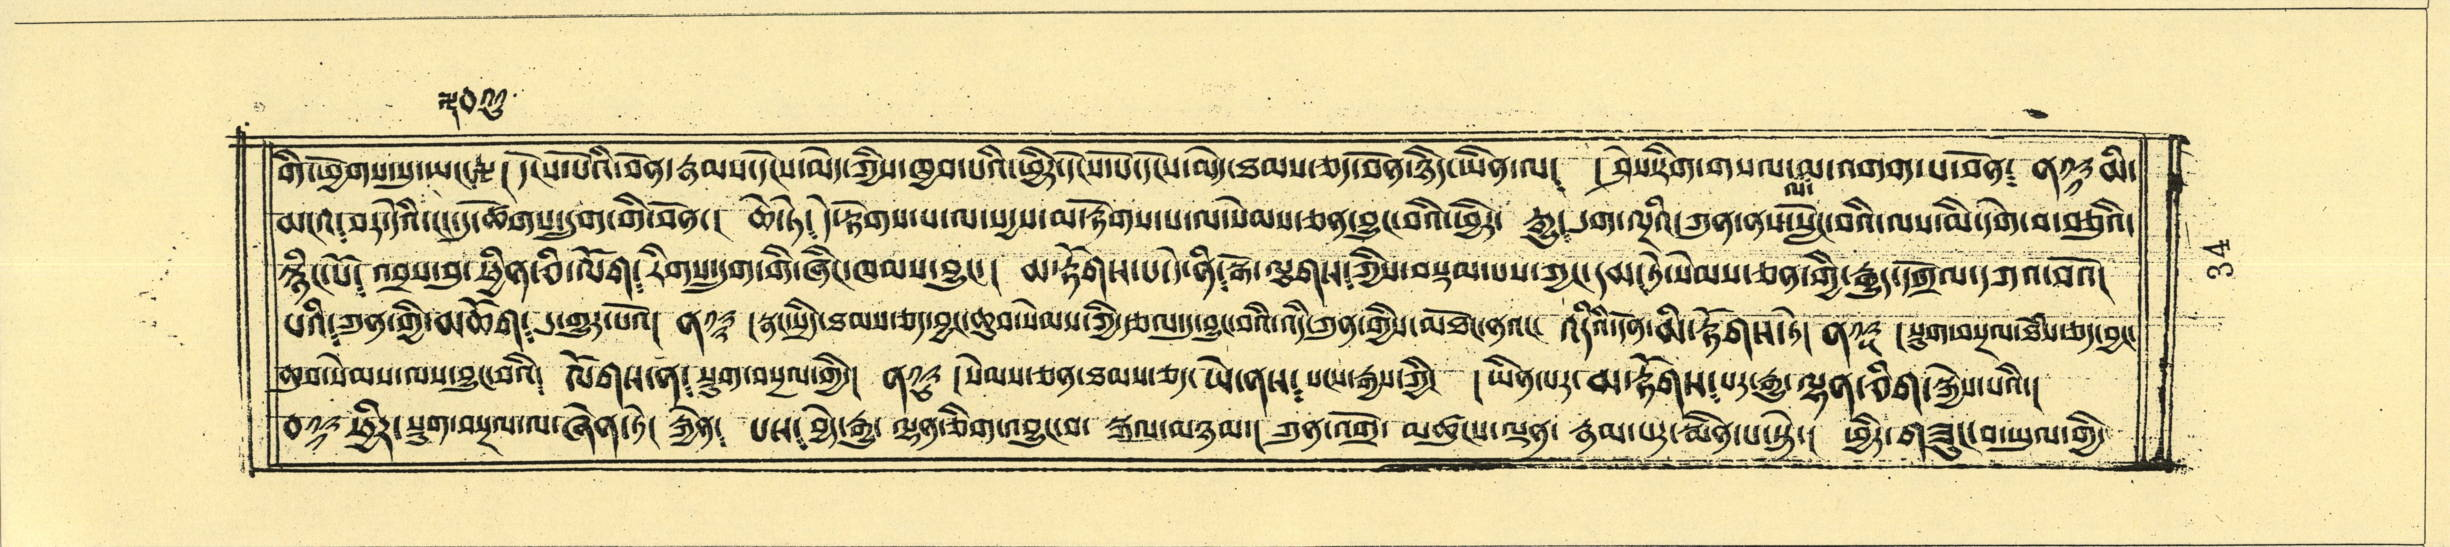༼གི་ཕྱོགས་སུ་ཡང་༽བ༡༡།༦༼དངོས་པོའི་བོ་རྣམས་དངོས་མེད་ཀྱིས་ཁྱབ་པའི་ཕྱིར་དངོས་པོ་དངོས་མེད་ཐམས་ཅད་བོན་ཉིད་ཡིན་ལ། ཤེས་རིག་གསལ་ལ་མ་འགག་པ་བོན༽ ན༡༢།༡ མི་
མངའ་༼བར་དེའི་ངང་དུ་ཚོགས་དྲུག་གི་བོན་ཆེ་སྟེ་དེ་རྟོགས་པ་ལ་སངས་རྒྱས་མ་རྟོགས་པ་ལ་སེམས་ཅན་བྱུང་བའི་ཕྱིར་༽རྒྱུ་༼དུག་ལྔའི་ཀུན་ནས་བསླང་བའི་ལས་མི་དགེ་བ་བཅུའི་༽
སྙིང་པོ་༼འབྲས་བུ༽ཕྱིན་ཅི་ལོག་༼རིགས་དྲུག་གི་ཞིང་ཁམས་བྱུང་༽མ་རྟོགས་པ་༼དེ་ནི་༽སྒོ་ལྕགས་ཀྱིས་༼བསྡམས་པས་ཀྱང་༽དམ་༼ཏེ་སེམས་ཅན་གྱི་རྒྱུད་དགྲོལ་དཀའ་བའོ།༽
པའི་༼ཀུན་གྱི་མཆོག༽ཏུ་གྱུར་པའོ། ན༡༢།༢༼སྣང་སྲིད་ཐམས་ཅད་བྱང་ཆུབ་སེམས་ཀྱི་རྩལ་དུ་བྱུང་བའི་འདི་ཀུན་གྱིས་མཐོང་ནའང་། འདིིའི་དོན་༽མི་རྟོགས་༼ཏེ་ན༡༢།༥ སྡུག་བསྔལ་ཐམས་ཅད་བྱང་
ཆུབ་སེམས་ལས་བྱུང་བའི།༽ ལོགས་ན་༼སྡུག་བསྔལ་གྱི༽ ན༡༢།༦ ༼སེམས་ཅན་ཐམས་ཅད་༽ཡེ་ནས་༼སངས་རྒྱས་ཀྱི༽༼ཡིན་པར་མ་རྟོགས༽པར་༼རྒྱུ་༽ལྷན་ཅིག་སྐྱེས་པའི་
བ༡༢།༡ ཕྱིར་༼སྡུག་བསྔལ་ལ་༽ཞེན་༽ཏེ་རྐྱེན་༼པས༽༼བྱེད་རྒྱུ་ལྷན་ཅིག་འབྱུང་བ་སྐལ་མཉམ་ཀུན་འགྲོ་མཚུངས་ལྡན་རྣམ་པར་སྨིན་པ་སྟེ་ཕྱིར་གཟུང་བ་ཡུལ་གྱི༽